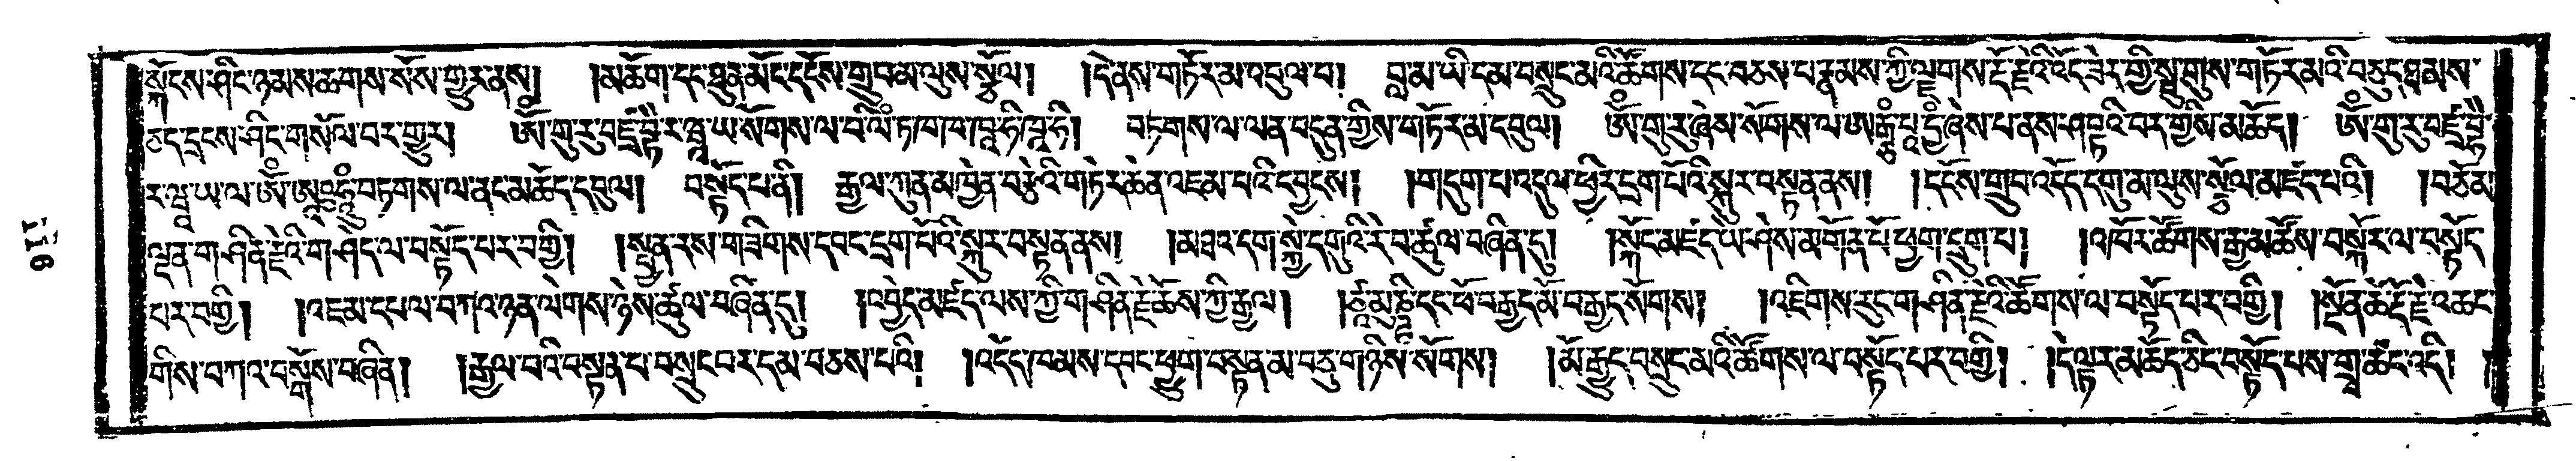སྐོངས་ཤིང་ཉམས་ཆགས་སོས་གྱུར་ནས། །མཆོག་དང་ཐུན་མོང་དངོས་གྲུབ་མ་ལུས་སྩོལ། །དེ་ནས་གཏོར་མ་འབུལ་བ། བླ་མ་ཡི་དམ་བསྲུང་མའི་ཚོགས་དང་བཅས་པ་རྣམས་ཀྱི་ལྗགས་རྡོ་རྗེའི་འོད་ཟེར་གྱི་སྦུ་གུས་གཏོར་མའི་བཅུད་ཐམས་
ཅད་དྲངས་ཤིང་གསོལ་བར་གྱུར། ཨོཾ་གུ་རུ་བཛྲ་བཏཻ་ར་ཝཱ་ཡ་སོགས་ལ་བི་ལཾ་ཏ་ཁ་ཁ་ཁཱ་ཧི་ཁཱ་ཧི། བཏགས་ལ་ལན་བདུན་གྱིས་གཏོར་མ་དབུལ། ཨོཾ་གུ་རུ་ཞེས་སོགས་ལ་ཨརྒྷཾ་པཱ་དྱཾ་ཞེས་པ་ནས་ཤབཏའི་བར་གྱིས་མཆོད། ཨོཾ་གུ་རུ་བཛྲ་བྷཻ་
ར་ཝཱ་ཡ་ལ་ཨོཾ་ཨཱཿ ཧཱུཾ་བཏགས་ལ་ནང་མཆོད་དབུལ། བསྟོད་པ་ནི། རྒྱལ་ཀུན་མཁྱེན་བརྩེའི་གཏེར་ཆེན་འཇམ་པའི་དབྱངས། །གདུག་པ་འདུལ་ཕྱིར་དྲག་པོའི་སྐུར་བསྟན་ནས། །དངོས་གྲུབ་འདོད་དགུ་མ་ལུས་སྩོལ་མཛད་པའི། །བཅོམ་
ལྡན་གཤིན་རྗེའི་གཤེད་ལ་བསྟོད་པར་བགྱི། །སྤྱན་རས་གཟིགས་དབང་དྲག་པོའི་སྐུར་བསྟན་ནས། །མཐའ་དག་སྐྱེ་དགུའི་རེ་བ་ཚུལ་བཞིན་དུ། །སྐོང་མཛད་ཡེ་ཤེས་མགོན་པོ་ཕྱག་དྲུག་པ། །འཁོར་ཚོགས་རྒྱ་མཚོས་བསྐོར་ལ་བསྟོད་
པར་བགྱི། །འཇམ་དཔལ་བཀའ་ཉན་ལེགས་ཉེས་ཚུལ་བཞིན་དུ། །འབྱེད་མཛད་ལས་ཀྱི་གཤིན་རྗེ་ཆོས་ཀྱི་རྒྱལ། །ཙཱ་མུཎྜཱི་དང་ཕོ་བརྒྱད་མོ་བརྒྱད་སོགས། །འཇིགས་རུང་གཤིན་རྗེའི་ཚོགས་ལ་བསྟོད་པར་བགྱི། །སྔོན་ཆོ་རྡོ་རྗེ་འཆང་
གིས་བཀའ་བསྒོས་བཞིན། །རྒྱལ་བའི་བསྟན་པ་བསྲུང་བར་དམ་བཅས་པའི། །འདོད་ཁམས་དབང་ཕྱུག་བསྟན་མ་བཅུ་གཉིས་སོགས། །མོ་རྒྱུད་བསྲུང་མའི་ཚོགས་ལ་བསྟོད་པར་བགྱི། །དེ་ལྟར་མཆོད་ཅིང་བསྟོད་པས་གྲྭ་ཚང་འདི། །